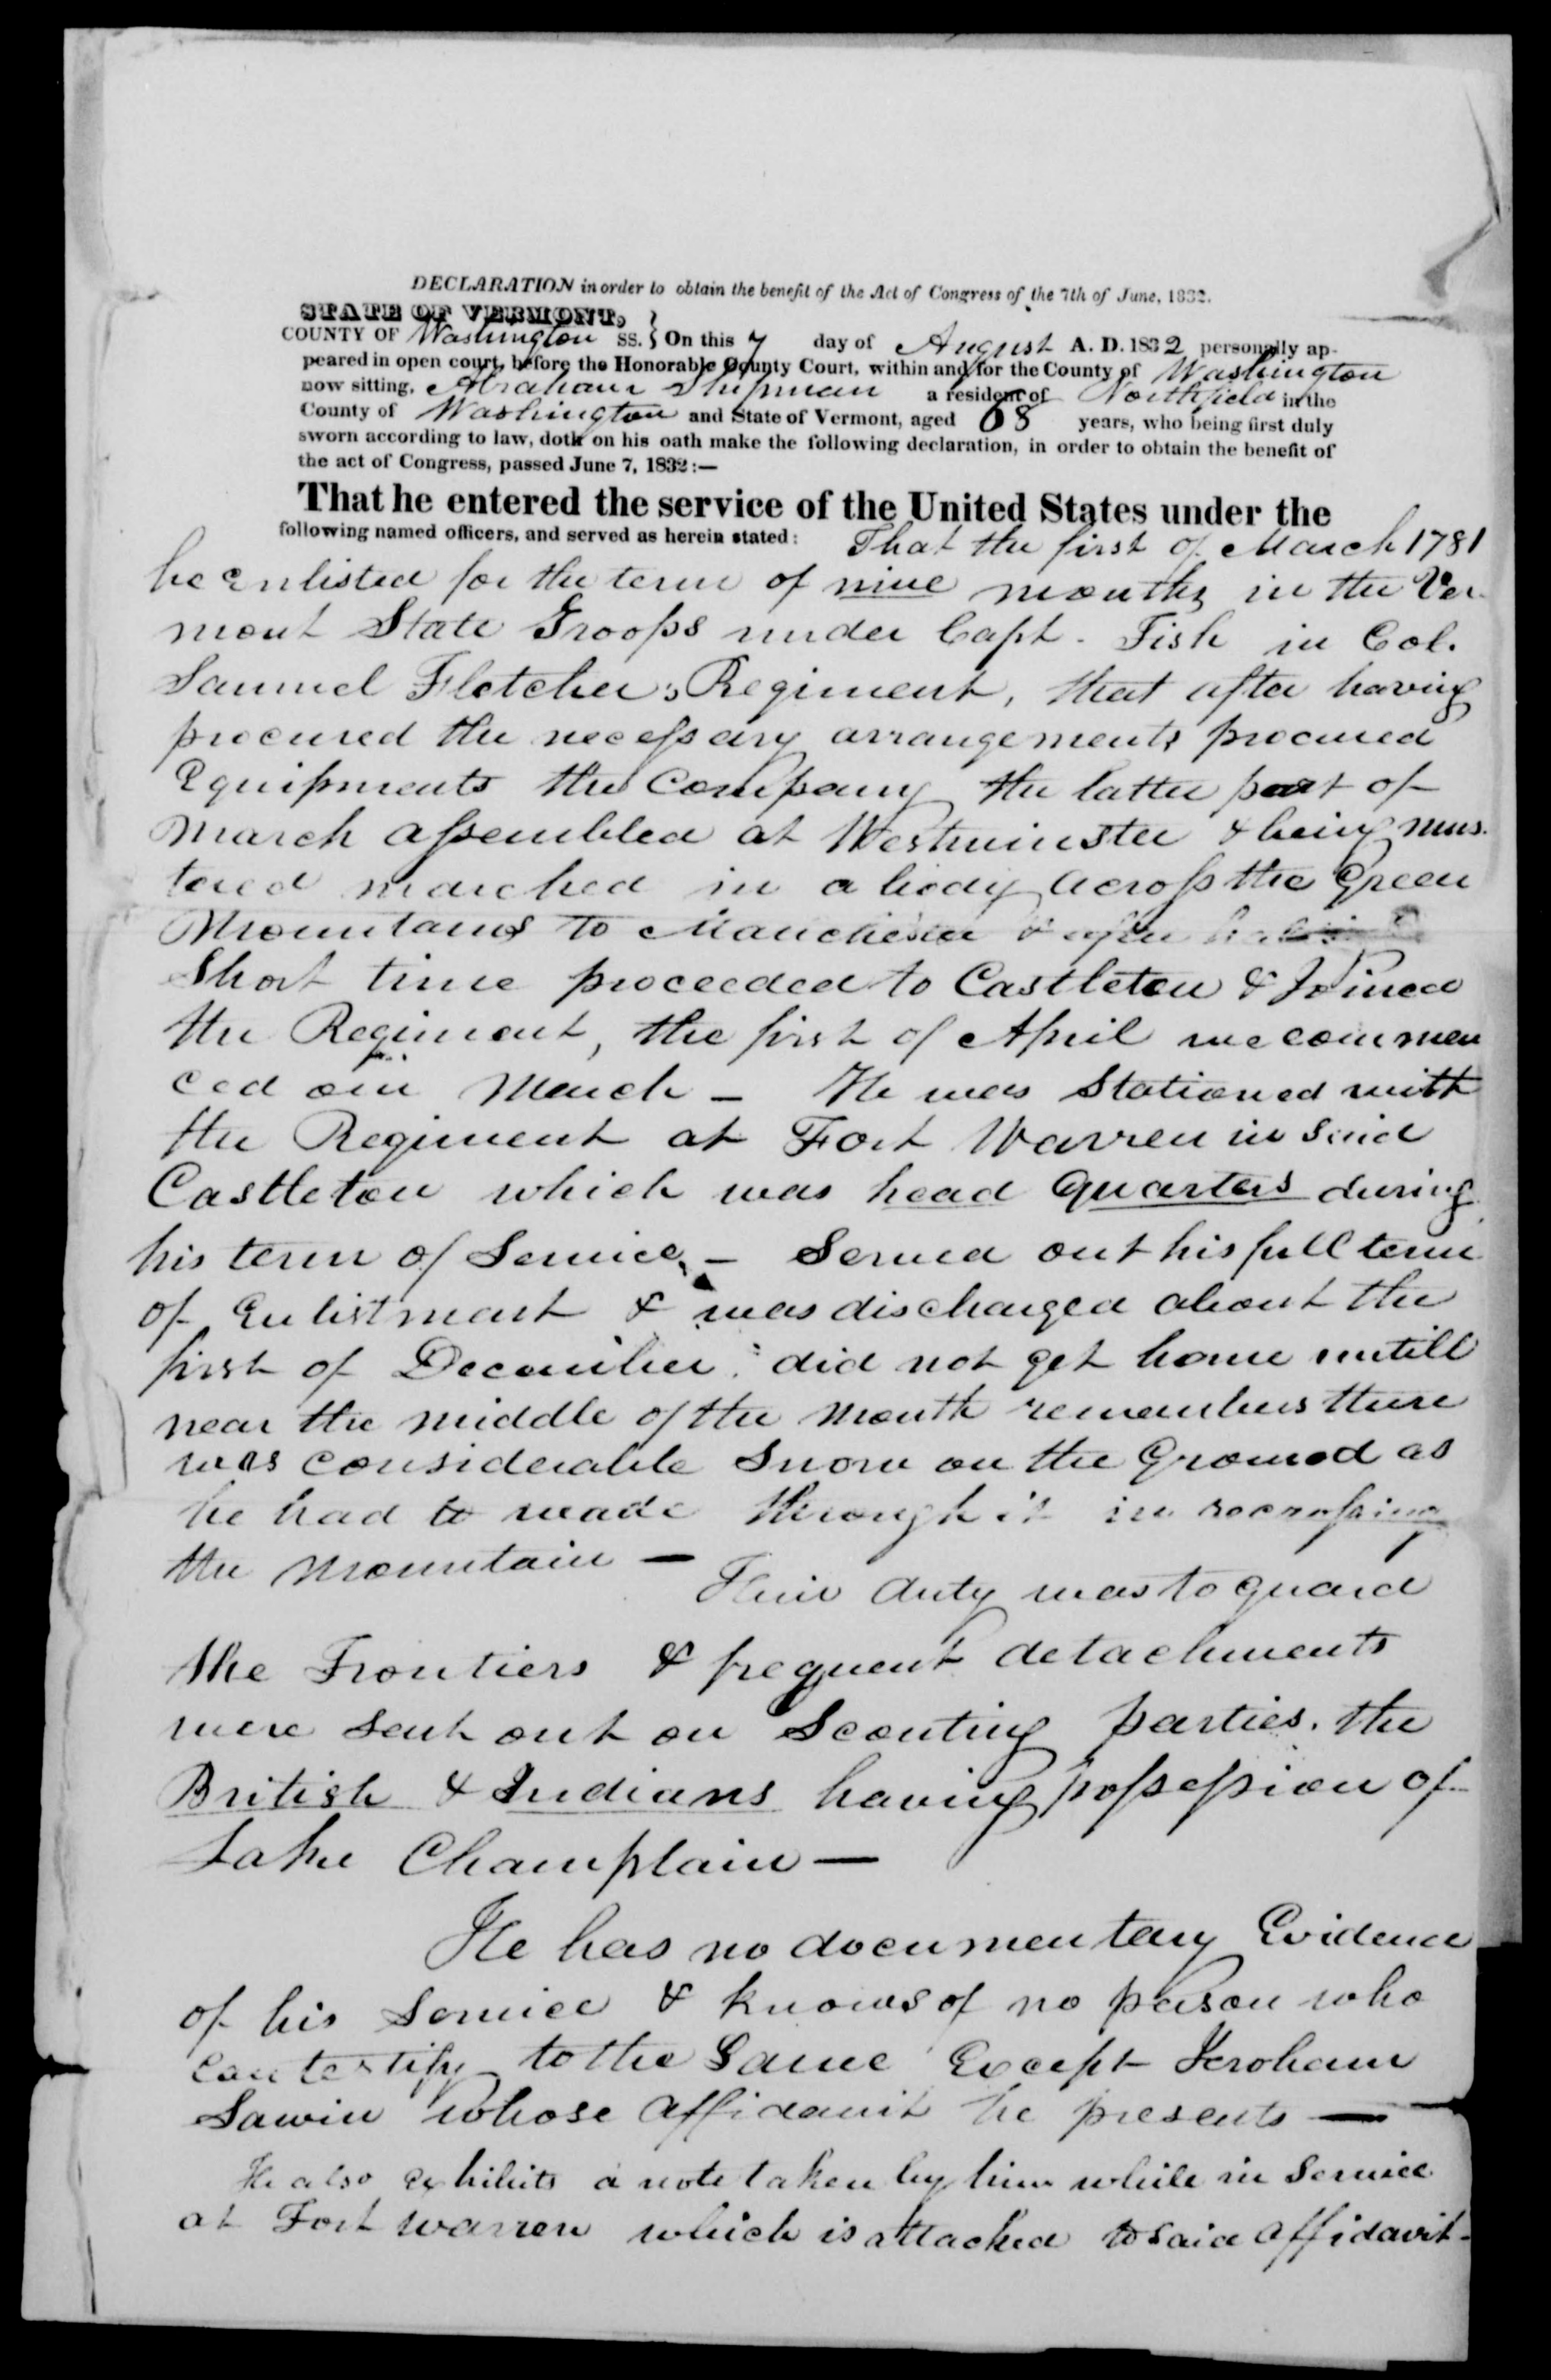DECLARATION in order to obtain the benefit of the Act of Congress of the 7th of June, 1832.

STATE OF VERMONT COUNTY OF Washington SS. 
On this 7 day of August A.D. 1832 personally appeared in open court, before the Honorable County Court, within and for the County of Washington now sitting. Abraham Shipman a resident of Northfield in the County of Washington and State of Vermont, aged 68 years, who being first duly sworn according to law, doth on his oath make the following declaration, in order to obtain the benefit of the act of Congress, passed June 7, 1832: -- 

That he entered the service of the United States under the following named officers, and served as herein stated: 

That the first of March 1781 he enlisted for the term of nine months in the Vermont State Troops under Capt. Fish in Col. Samuel Fletcher's Regiment, that after having procured the necessary arrangements procured equipments the company the latter part of March assembled at Westminster & being mustered marched in a body across the Green Mountains to Manchester &  {illegible} short time proceeded to Castleton & joined the Regiment, the first of April we commenced our march. We were stationed with the Regiment at Fort Warren in said Castleton which was head quarters during his term of Service. Served out his full term of enlistment & was discharged about the first of December, did not get home until near the middle of the month remembers there was considerable snow on the ground as he had to wade through it in recrossing the mountain. 

Hi duty was to guard the frontiers & frequent detachments were sent out on scouting parties, the British & Indians having possession of Lake Champlain - 

He has no documentary Evidence of his service & knows of no person who certify to the same Except Jeroham Sawin whose affidavit he presents - 

He also exhibits a note taken by him while in service at Fort Warren which is attached to said affidavit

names: Jeroham Sawin; Abraham Shipman; [BLANK] Fisk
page: 8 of 13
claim: survivor's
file: S. 15977, for Abraham Shipman, Vermont